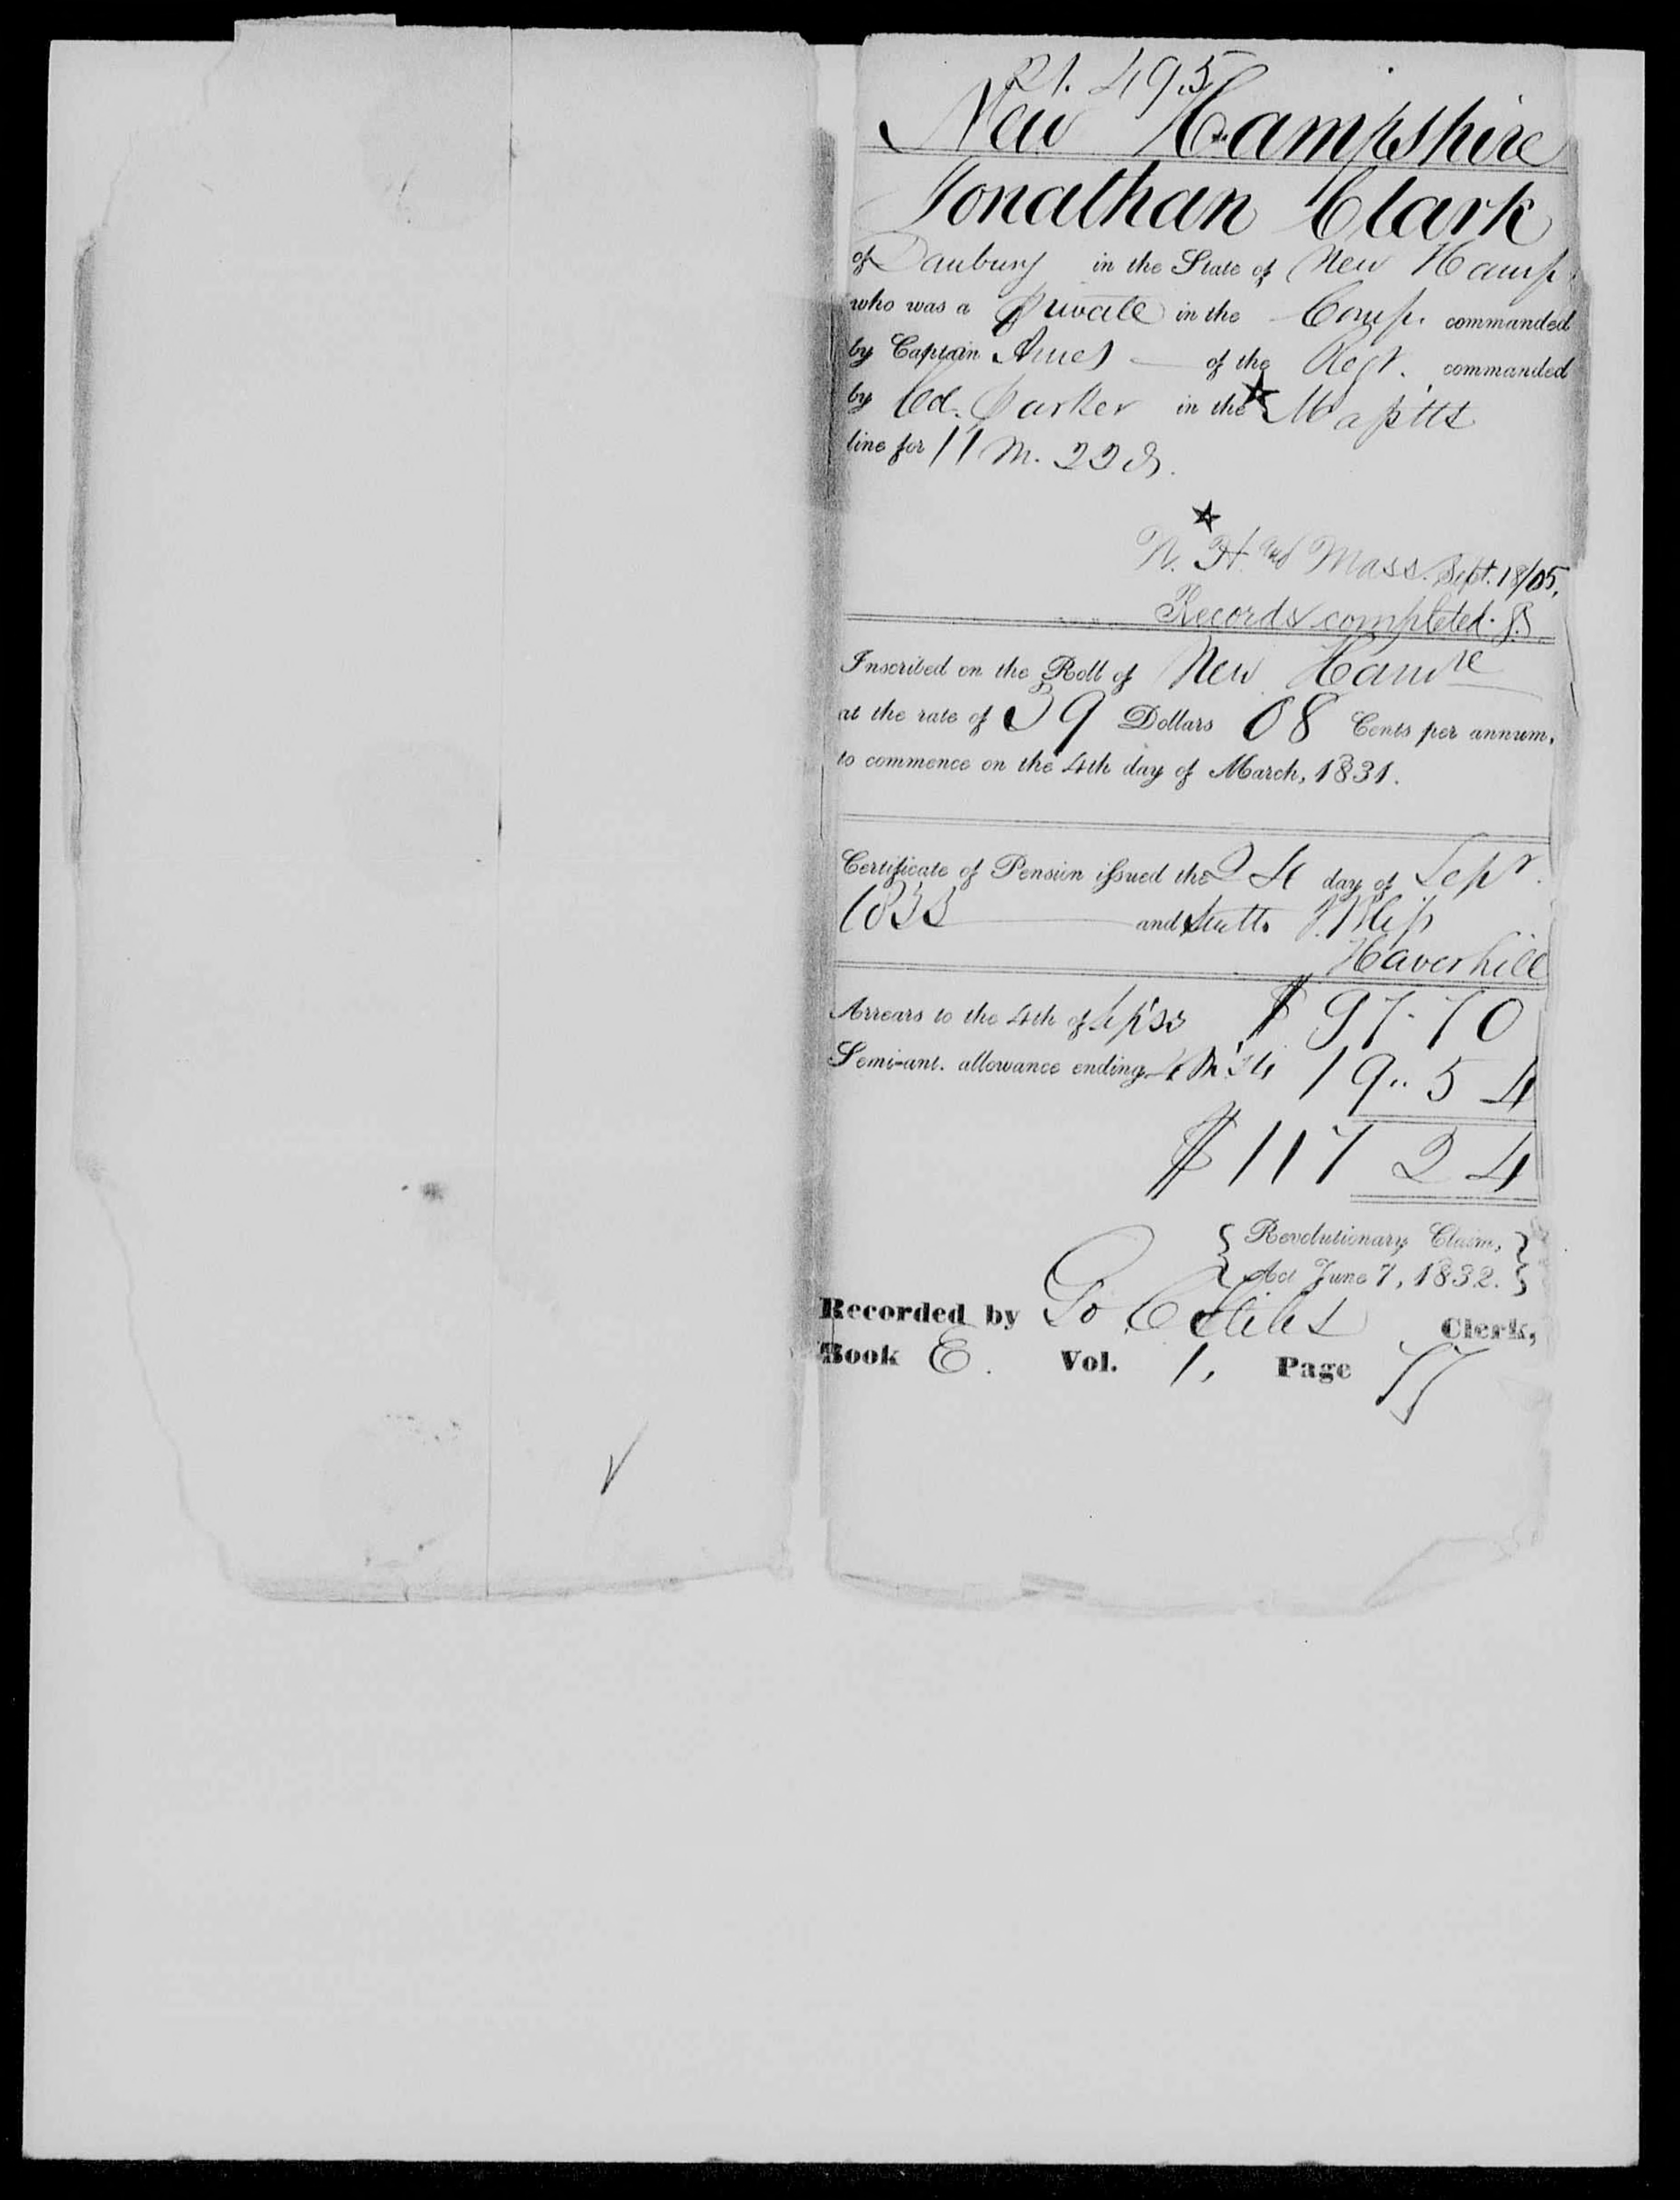21495
New Hampshire
Jonathan Clark
of Danbury in the state of New Hampshire who was a private in the Comp commanded by Captain Ames of the Regt commanded by Col Parker in the *Mapittts line for 11 m 22 d

*N.H. and Mass Sept 18/05
Records completed

Inscribed on the roll of New Hampshire at the rate of 39 dollars 08 cents per annum to commence on the 4th day of March 1831.

Certificate of Pension issued the 24 day of Sept 1833 and sent to J Bliss Haverhill

Arrears to the 4th of Sept '33 $87.70
Semi-anl allowance ending 4 Mar '34 19.54
$117.24

{Revolutionary Claims Act June 7, 1832}

Recorded by Go C Stiles - Clerk
Book E Vol 1 Page 77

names: Parker, Ames, Go C Stiles, Jonathan Clark, J Bliss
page: 2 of 18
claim: survivor's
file: S. 12,512, Jonathan Clark, Mass. N.H.